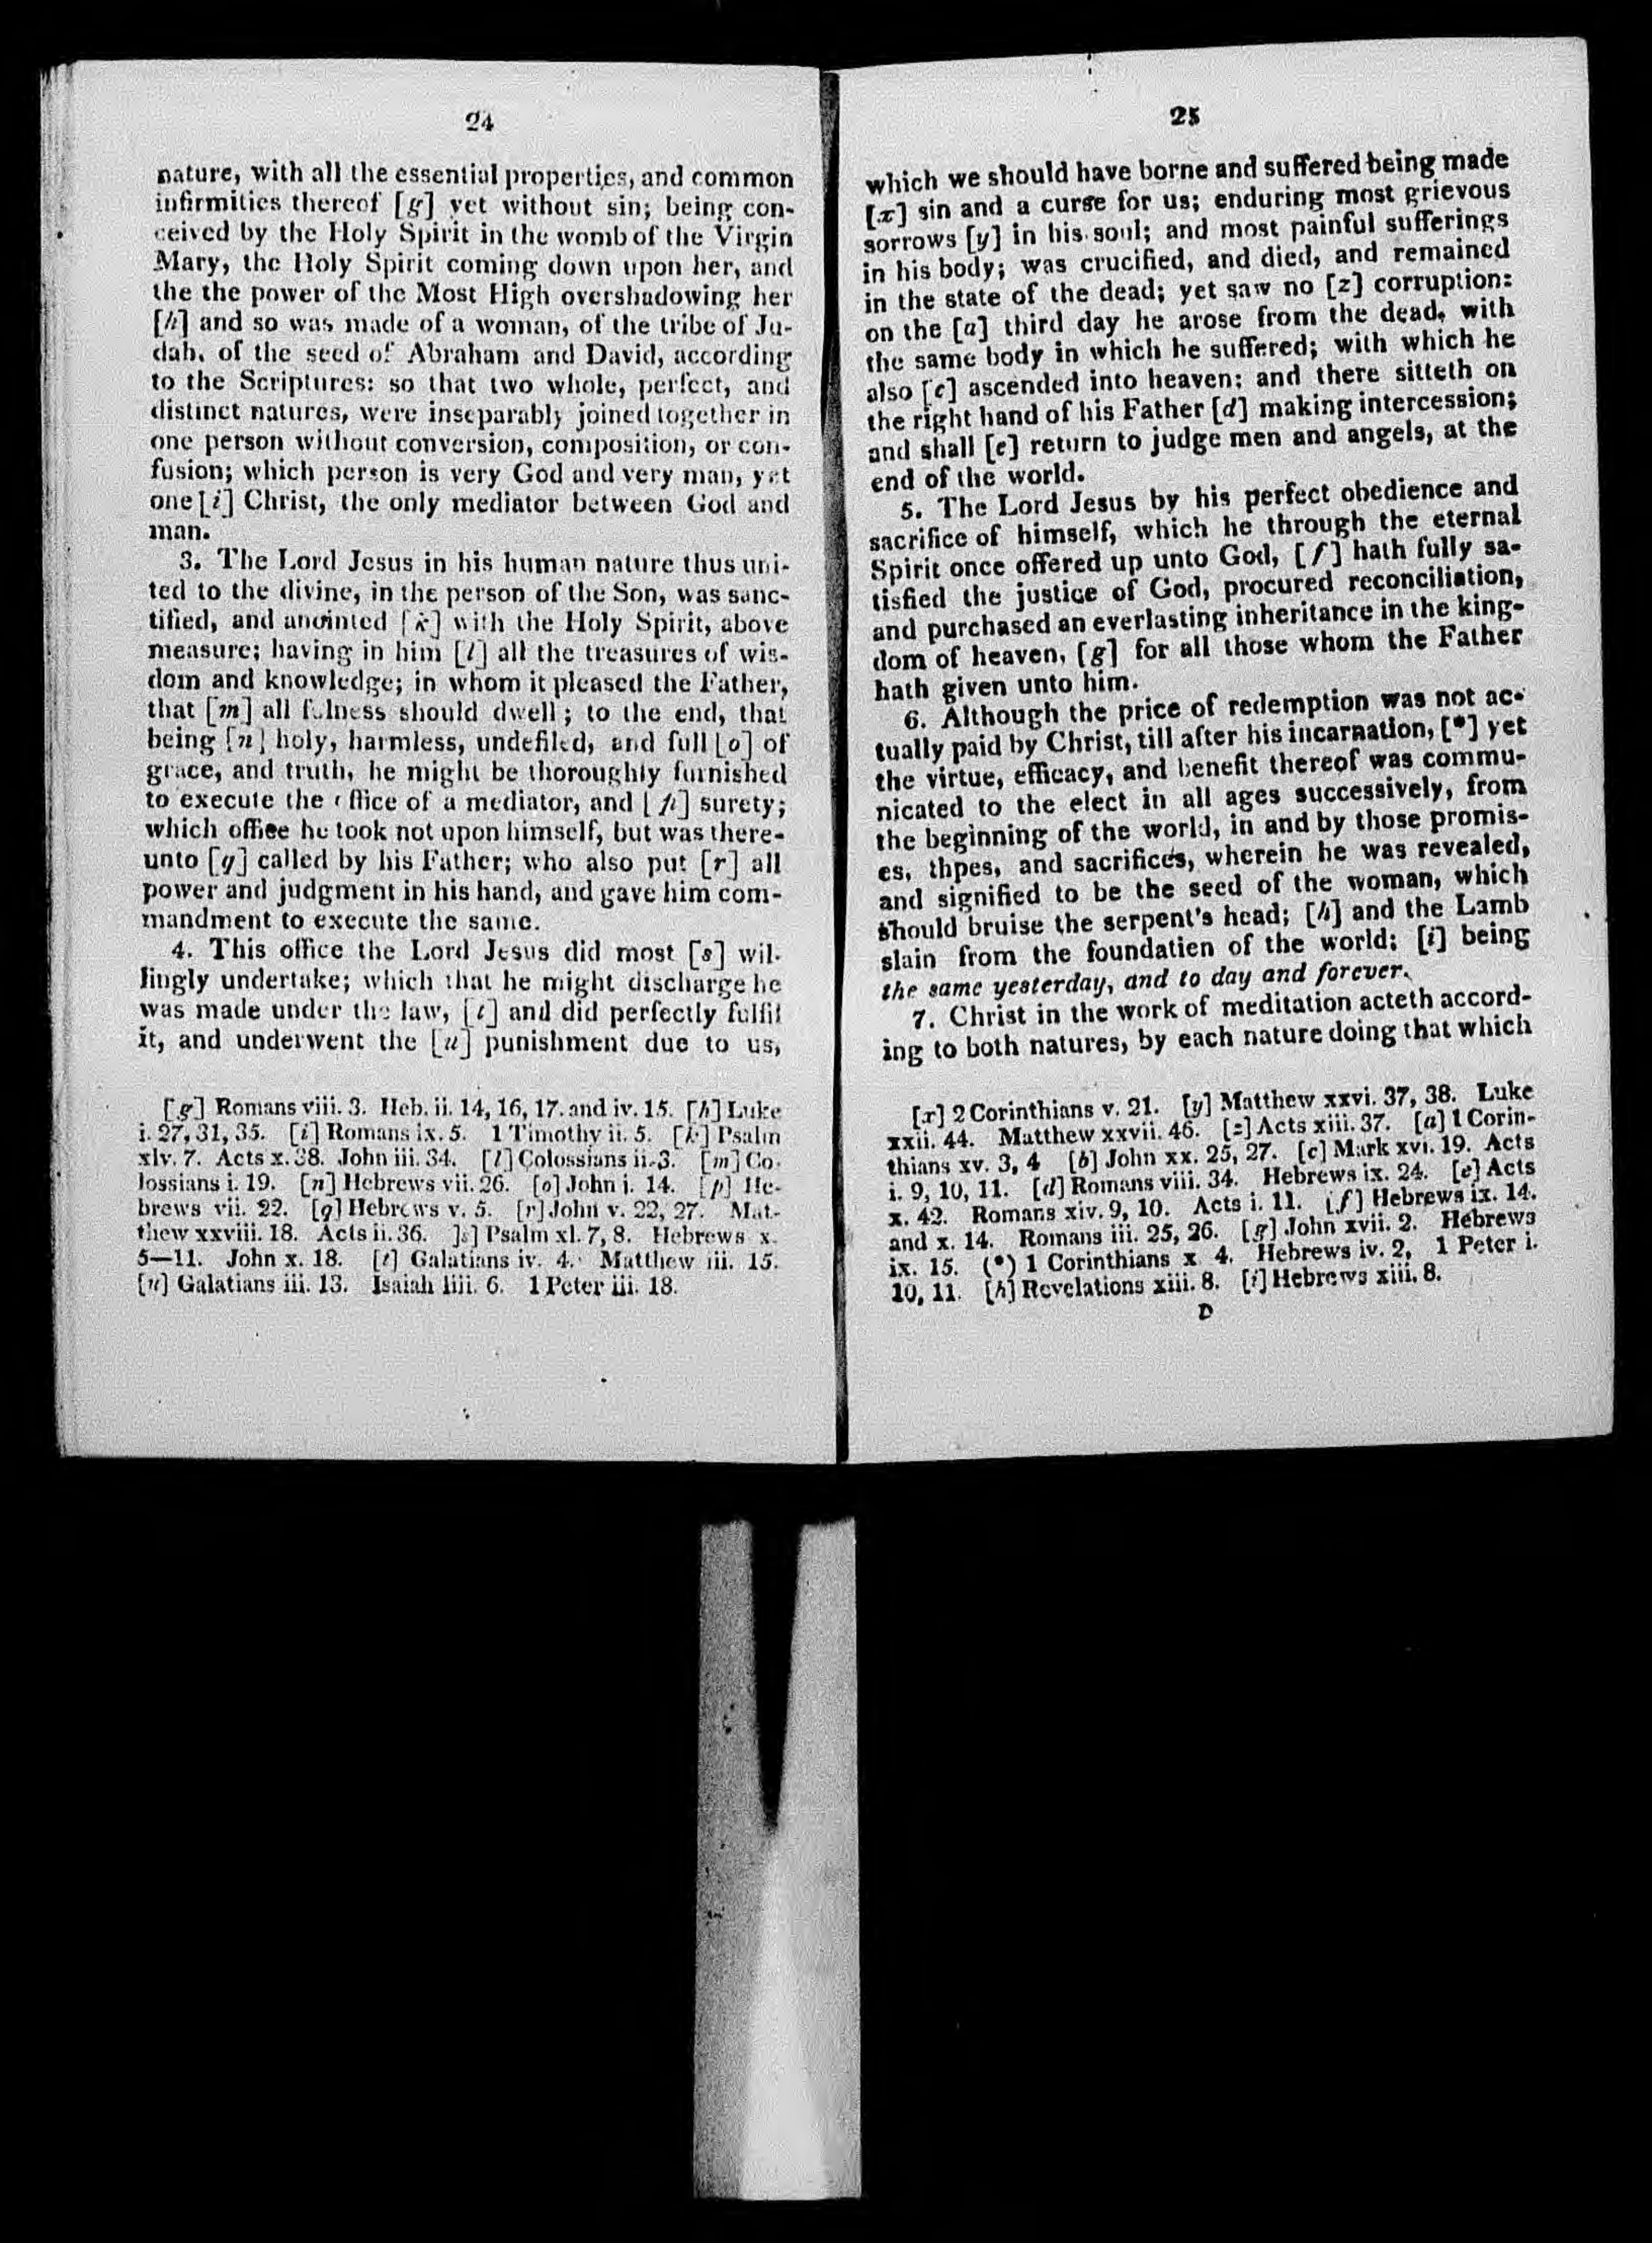24

nature, with all the essential properties, and common infirmities thereof [g] yet without sin; being conceived by the Holy Spirit in the womb of the Virgin Mary, the Holy Spirit coming down upon her, and the the power of the Most High overshadowing her [h] and so was made of a woman, of the tribe of Judah, of the seed of Abraham and David, according to the Scriptures: so that two whole, perfect, and distinct natures, were inseparably joined together in one person without conversion, composition, or confusion; which person is very God and very man, yet one [i] Christ, the only mediator between God and man.
3. The Lord Jesus in his human nature thus united to the divine, in the person of the Son, was sanctified, and anointed [k] with the Holy spirit, above measure; having in him [l] all the treasures of wisdom and knowledge; in whom it pleased the Father, that [m] all fulness should dwell; to the end, that being [n] holy, harmless, undefiled, and full [o] of grace, and truth, he might be thoroughly furnished to execute the office of a mediator, and [p] surety; which office he took not upon himself, but was thereunto [q] called by his Father; who also put [r] all power and judgment in his hand, and gave him commandment to execute the same. 
4. This office the Lord Jesus did most [s] willingly undertake; which that he might discharge he was made under the law, [t] and did perfectly fulfil it, and underwent the [u] punishment due to us,

[g] Romans viii. 3. Heb. ii. 14, 16, 17. and iv. 15. [h] Luke i. 27, 31, 35. [i] Romans ix. 5. 1 Timothy ii. 5. [k] Psalm xiv. 7. Acts x. 38. John iii. 34. [l] Colossians ii. 3. [m] Colossians i. 19. [n] Hebrews vii. 26. [o] John i. 14. [p] Hebrews vii. 22. [q] Hebrews v. 5. [r] John v. 22, 27. Matthew xxviii. 18. Acts ii. 36. ]s] Psalm xl. 7, 8. Hebrews x. 5 - 11. John x. 18. [t] Galatians iv. 4. Matthew iii. 15. [u] Galatians iii. 13. Isaiah liii. 6. 1 Peter iii. 18.

25

which we should have borne and suffered being made [x] sin and a curse for us; enduring most grievous sorrows [y] in his soul; and most painful sufferings in his body; was crucified, and died, and remained in the state of the dead; yet saw no [z] corruption; on the [a] third day he arose from the dead, with the same body in which he suffered; with which he also [c] ascended into heaven; and there sitteth on the right hand of his Father [d] making intercession; and shall [e] return to judge men and angels, at the end of the world.
5. The Lord Jesus by his perfect obedience and sacrifice of himself, which he through the eternal Spirit once offered up unto God, [f] hath fully satisfied the justice of God, procured reconciliation, and purchased an everlasting inheritance in the kingdom of heaven, [g] for all those whom the Father hath given unto him.
6. Although the price of redemption was not actually paid by Christ, till after his incarnation, [*] yet the virtue, efficacy, and benefit thereof was communicated to the elect in all ages successively, from the beginning of the world, in and by those promises, thpes, and sacrifices, wherein he was reveled, and signified to be the seed of the woman, which should bruise the serpent's head; [h] and the Lamb slain from the foundation of the world; [i] being the same yesterday, and to day and forever.
7. Christ in the work of meditation acteth according to both natures, by each nature doing that which

[x] 2 Corinthians v. 21. [y] Matthew xxvi. 37, 38. Luke xxii. 44. Matthew xxvii. 46. [z] Acts xiii. 37. [a] 1 Corinthians xv. 3, 4. [b] John xx. 25, 27. [c] Mark xvi. 19. Acts i. 9, 10, 11. [d] Romans viii. 34. Hebrews ix. 24. [e] Acts x. 42. Romans xiv. 9. 10. Acts i. 11. [f] Hebrews ix. 14. and x. 14. Romans iii. 25, 26. [g] John xvii. 2. Hebrews ix. 15. [*] 1 Corinthians x. 4. Hebrews iv. 2, 1 Peter i. 10, 11. [h] Revelations xiii. 8. [i] Hebrews xiii. d.
D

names: Peter, Mark, Matthew, Peter, Luke, Matthew, Isaiah, John, Lamb, Mary, Matthew, John, Matthew, John, John, David, John, John, Luke, Timothy, Abraham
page: 24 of 98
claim: widow's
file: W. 8398, William Broadway, S.C.